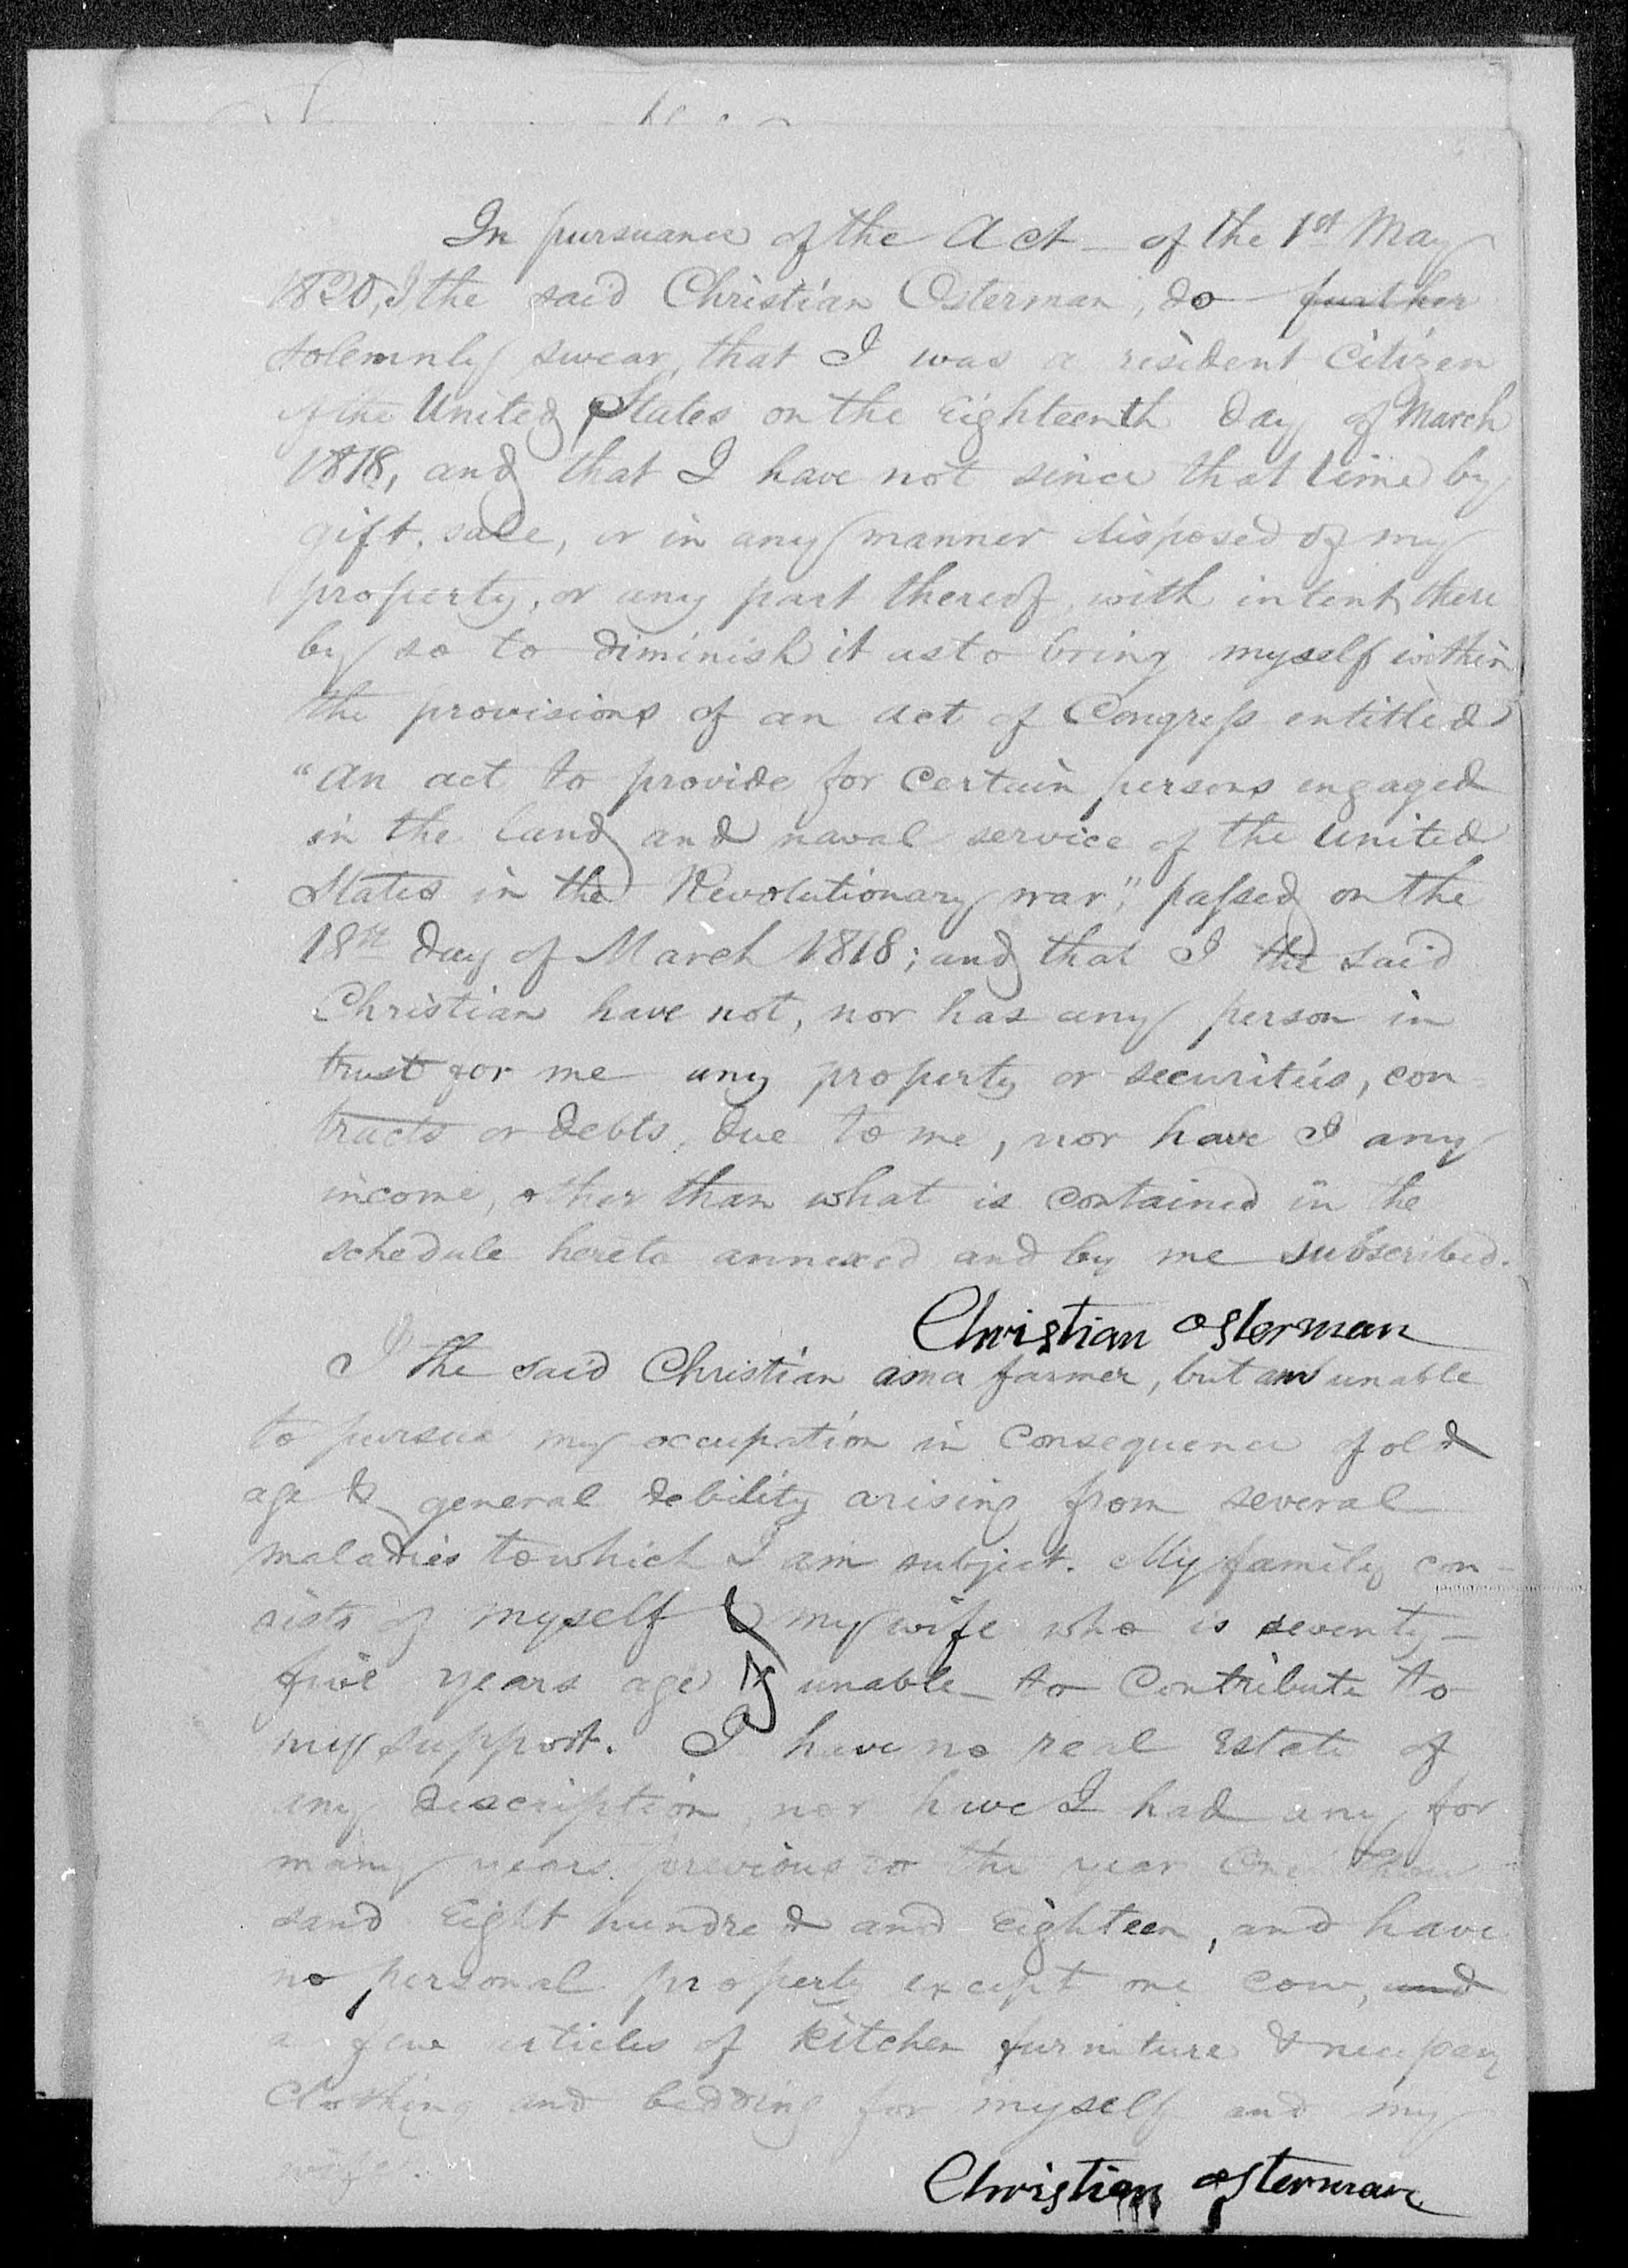In pursuance of the Act of the 1st May 1820, I the said Christian Osterman, do further solemnly swear that I was a resident citizen of the  United States on the Eighteenth day of March 1818, and that I have not since that time by gift, sale, or in any manner disposed of my property, or in any part thereof, with intent thereby so to diminish it as to bring myself within the provisions of an act of Congress entitled "An act to provide for certain persons engaged in the land and naval service of the United States in the Revolutionary War" passed on the 18th day of March 1818; and that I the said Christian, have not, nor has any person in trust for me any property or securities, contracts or debts due to me, nor have I any income, other than what is contained in the schedule hereto annexed and by me subscribed. 
Christian Osterman
I the said Christian am a farmer, but am unable to pursue me occupation in consequence of old age and general debility arising from several maladies to which I am subject. My family consists of myself and my wife, who is seventy-five years aged and unable to contribute to my support. I have no real estate of any description nor have I had any for many years previous to the year one thousand eight hundred and eighteen, and have no personal property except one cow, and a few articles of kitchen furniture and necessary clothing and bedding for myself and my wife. 
Christian Osterman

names: Christian Osterman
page: 29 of 40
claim: widow's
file: W. 21876, for Christian Osterman, New York